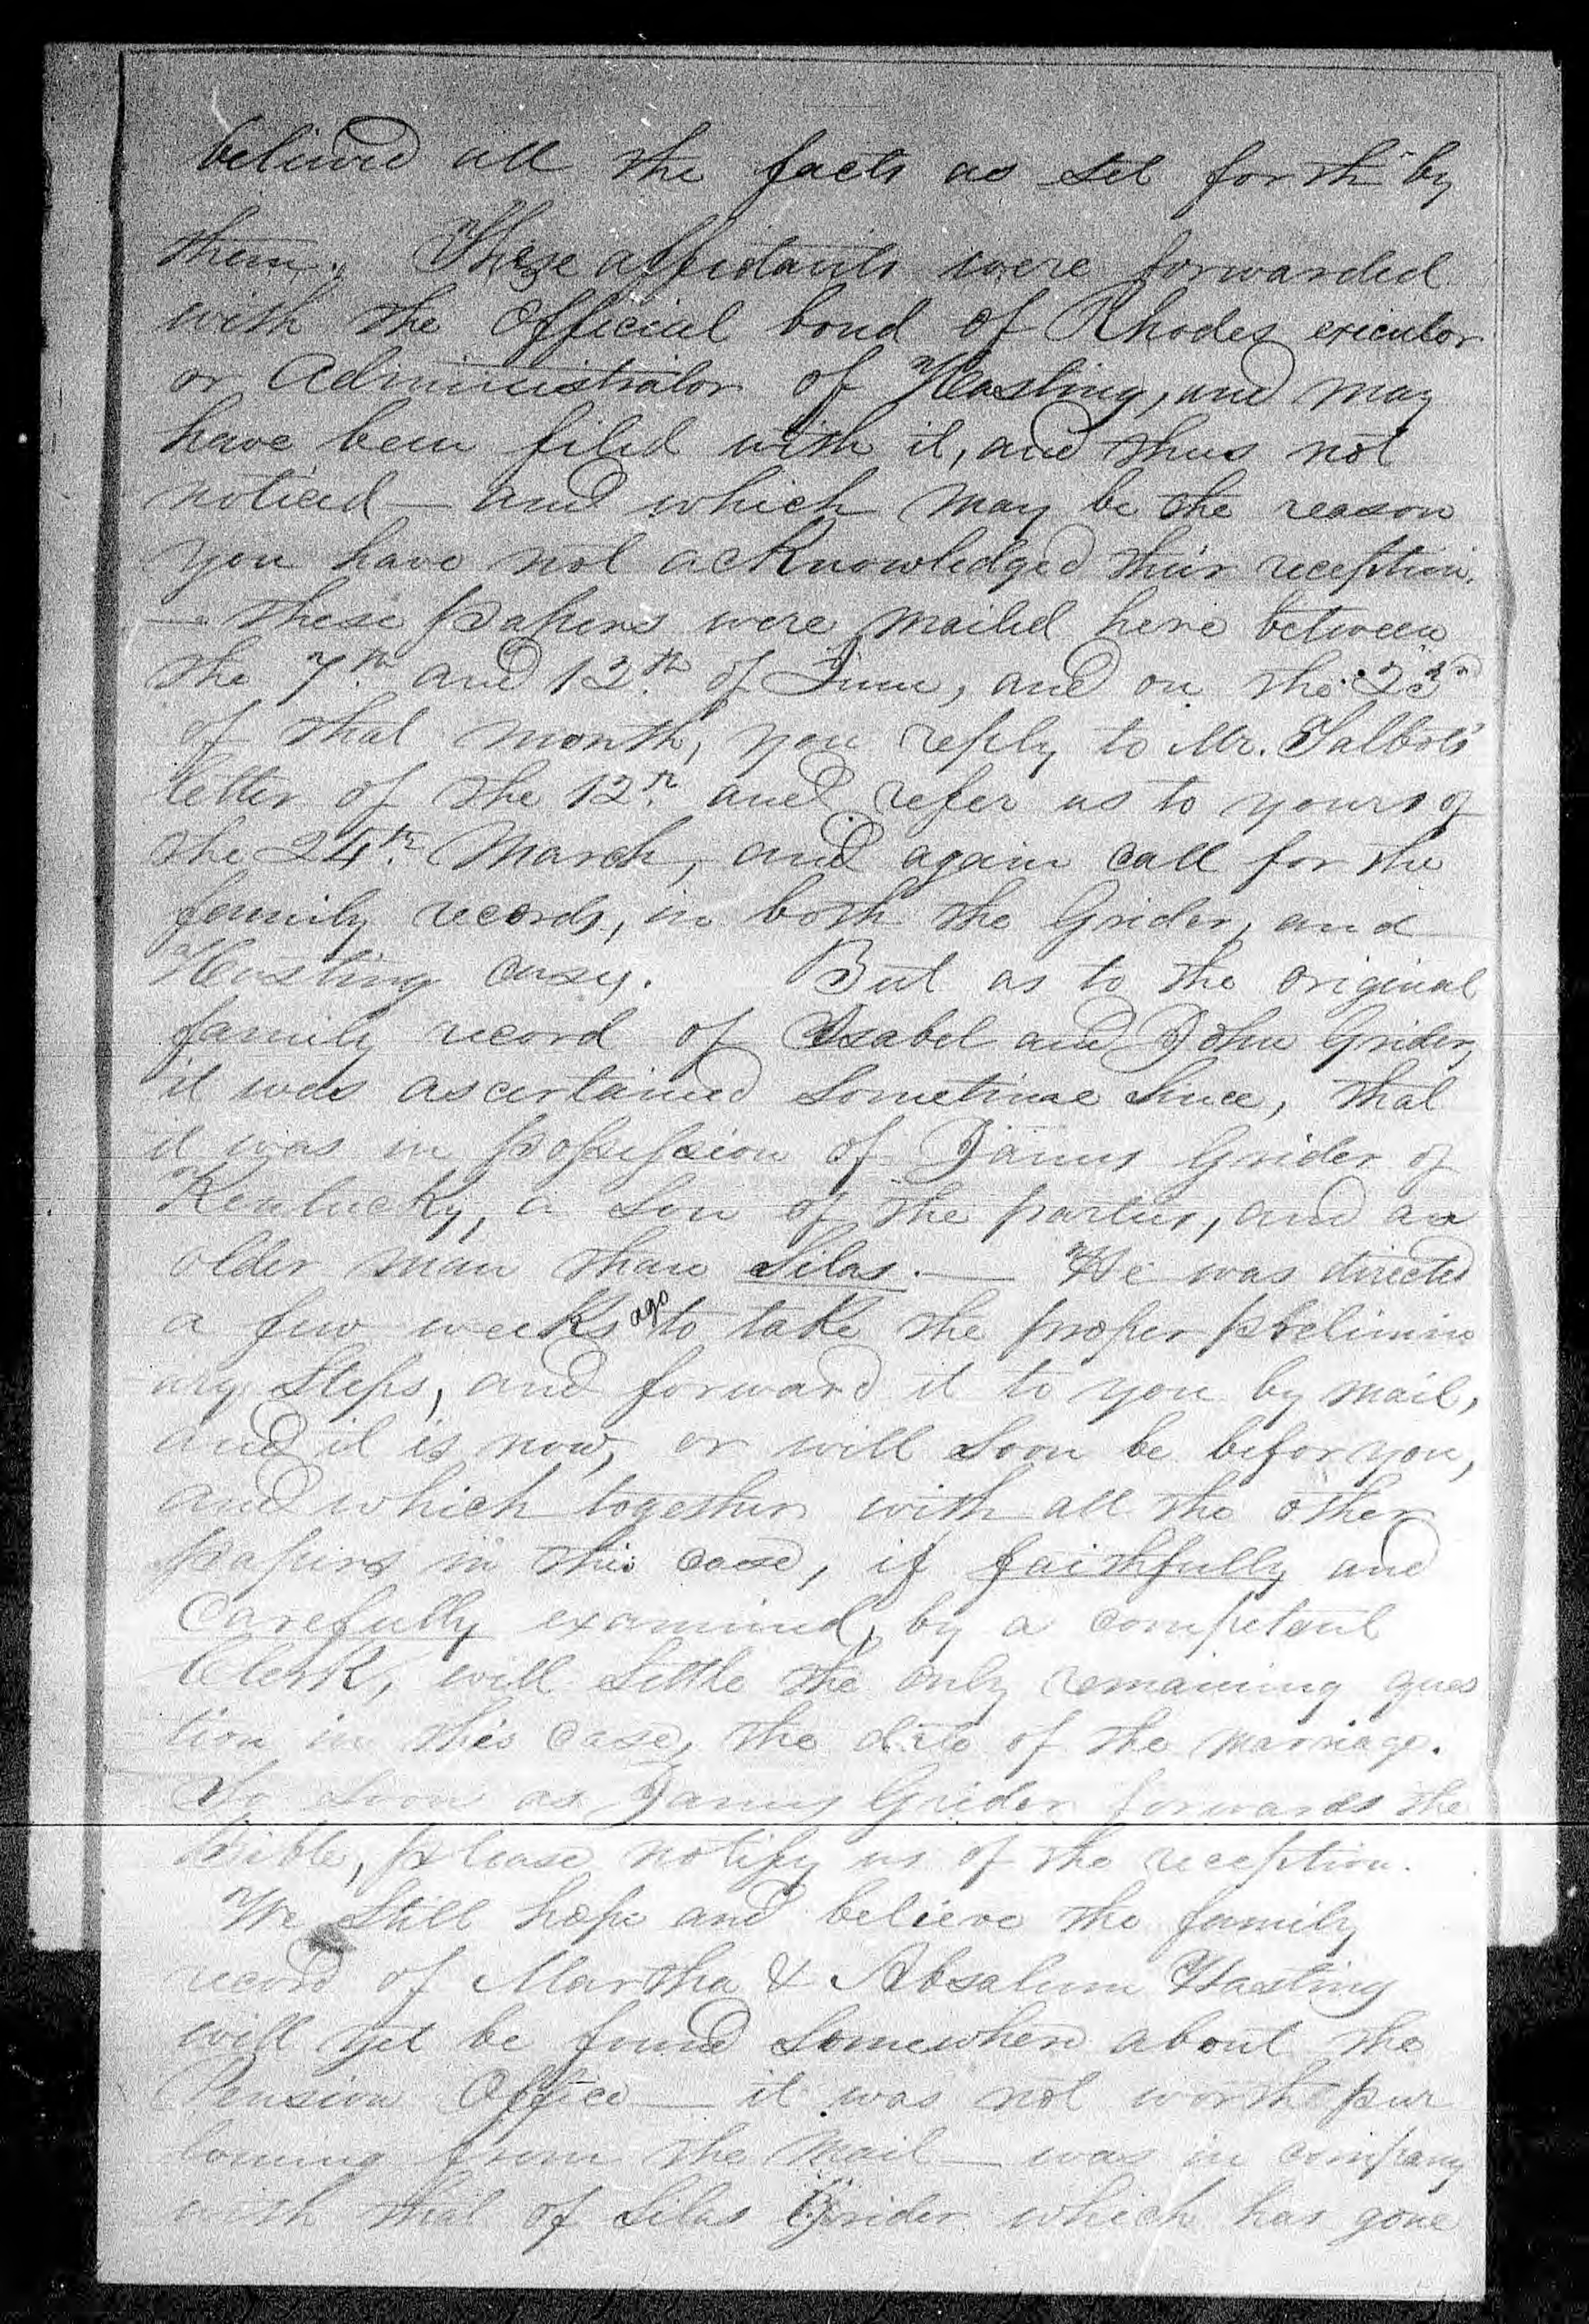believed all the facts as set forth by them. Theses affidavits were forwarded with the official bond of Rhodes executor of Administrator of Hasting, and may have been filed with it, and thus not noticed- and which may be the reason you have not acknowledged their reception. These papers were mailed here between the 7th and 12th of June, and on the 23rd of taht month, you reply to Mr. Talbot's letter of the 12th, and refer us to yours of the 24th March, and again call for the family records, in both the Grider and Hasting cases. But as to the original family record of Isabel and John Grider, it was ascertained sometime since, that it was in possession of James Grider of Kentucky, a son of the parties, and an older man than Silas. He was directed a few weeks ago to take the proper preliminary steps, and forward it to you by mail, and it is now, or will soon be before you, and which together with all the other papers in this case, if faithfully and carefully examined, by a competent clerk, will settle the only remaining question in this case, the date of the marriage. So soon as James Grider forwards the Bible, please notify us of the reception. We still hope and believe the family record of Martha and Absalum Hasting will yet be found somewhere  about the Pension office- it was not worth puroining from the mail- was in company with that of Silas Grider which has gone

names: Talbot, Hasting, John Grider, Rhodes, James Grider, Hasting, Grider, Absalum Hasting, Silas Grider, Martha Hasting, Isabel Grider, James Grider, Porters, Silas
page: 67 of 91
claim: widow's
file: W 358, John Grider, N.C.